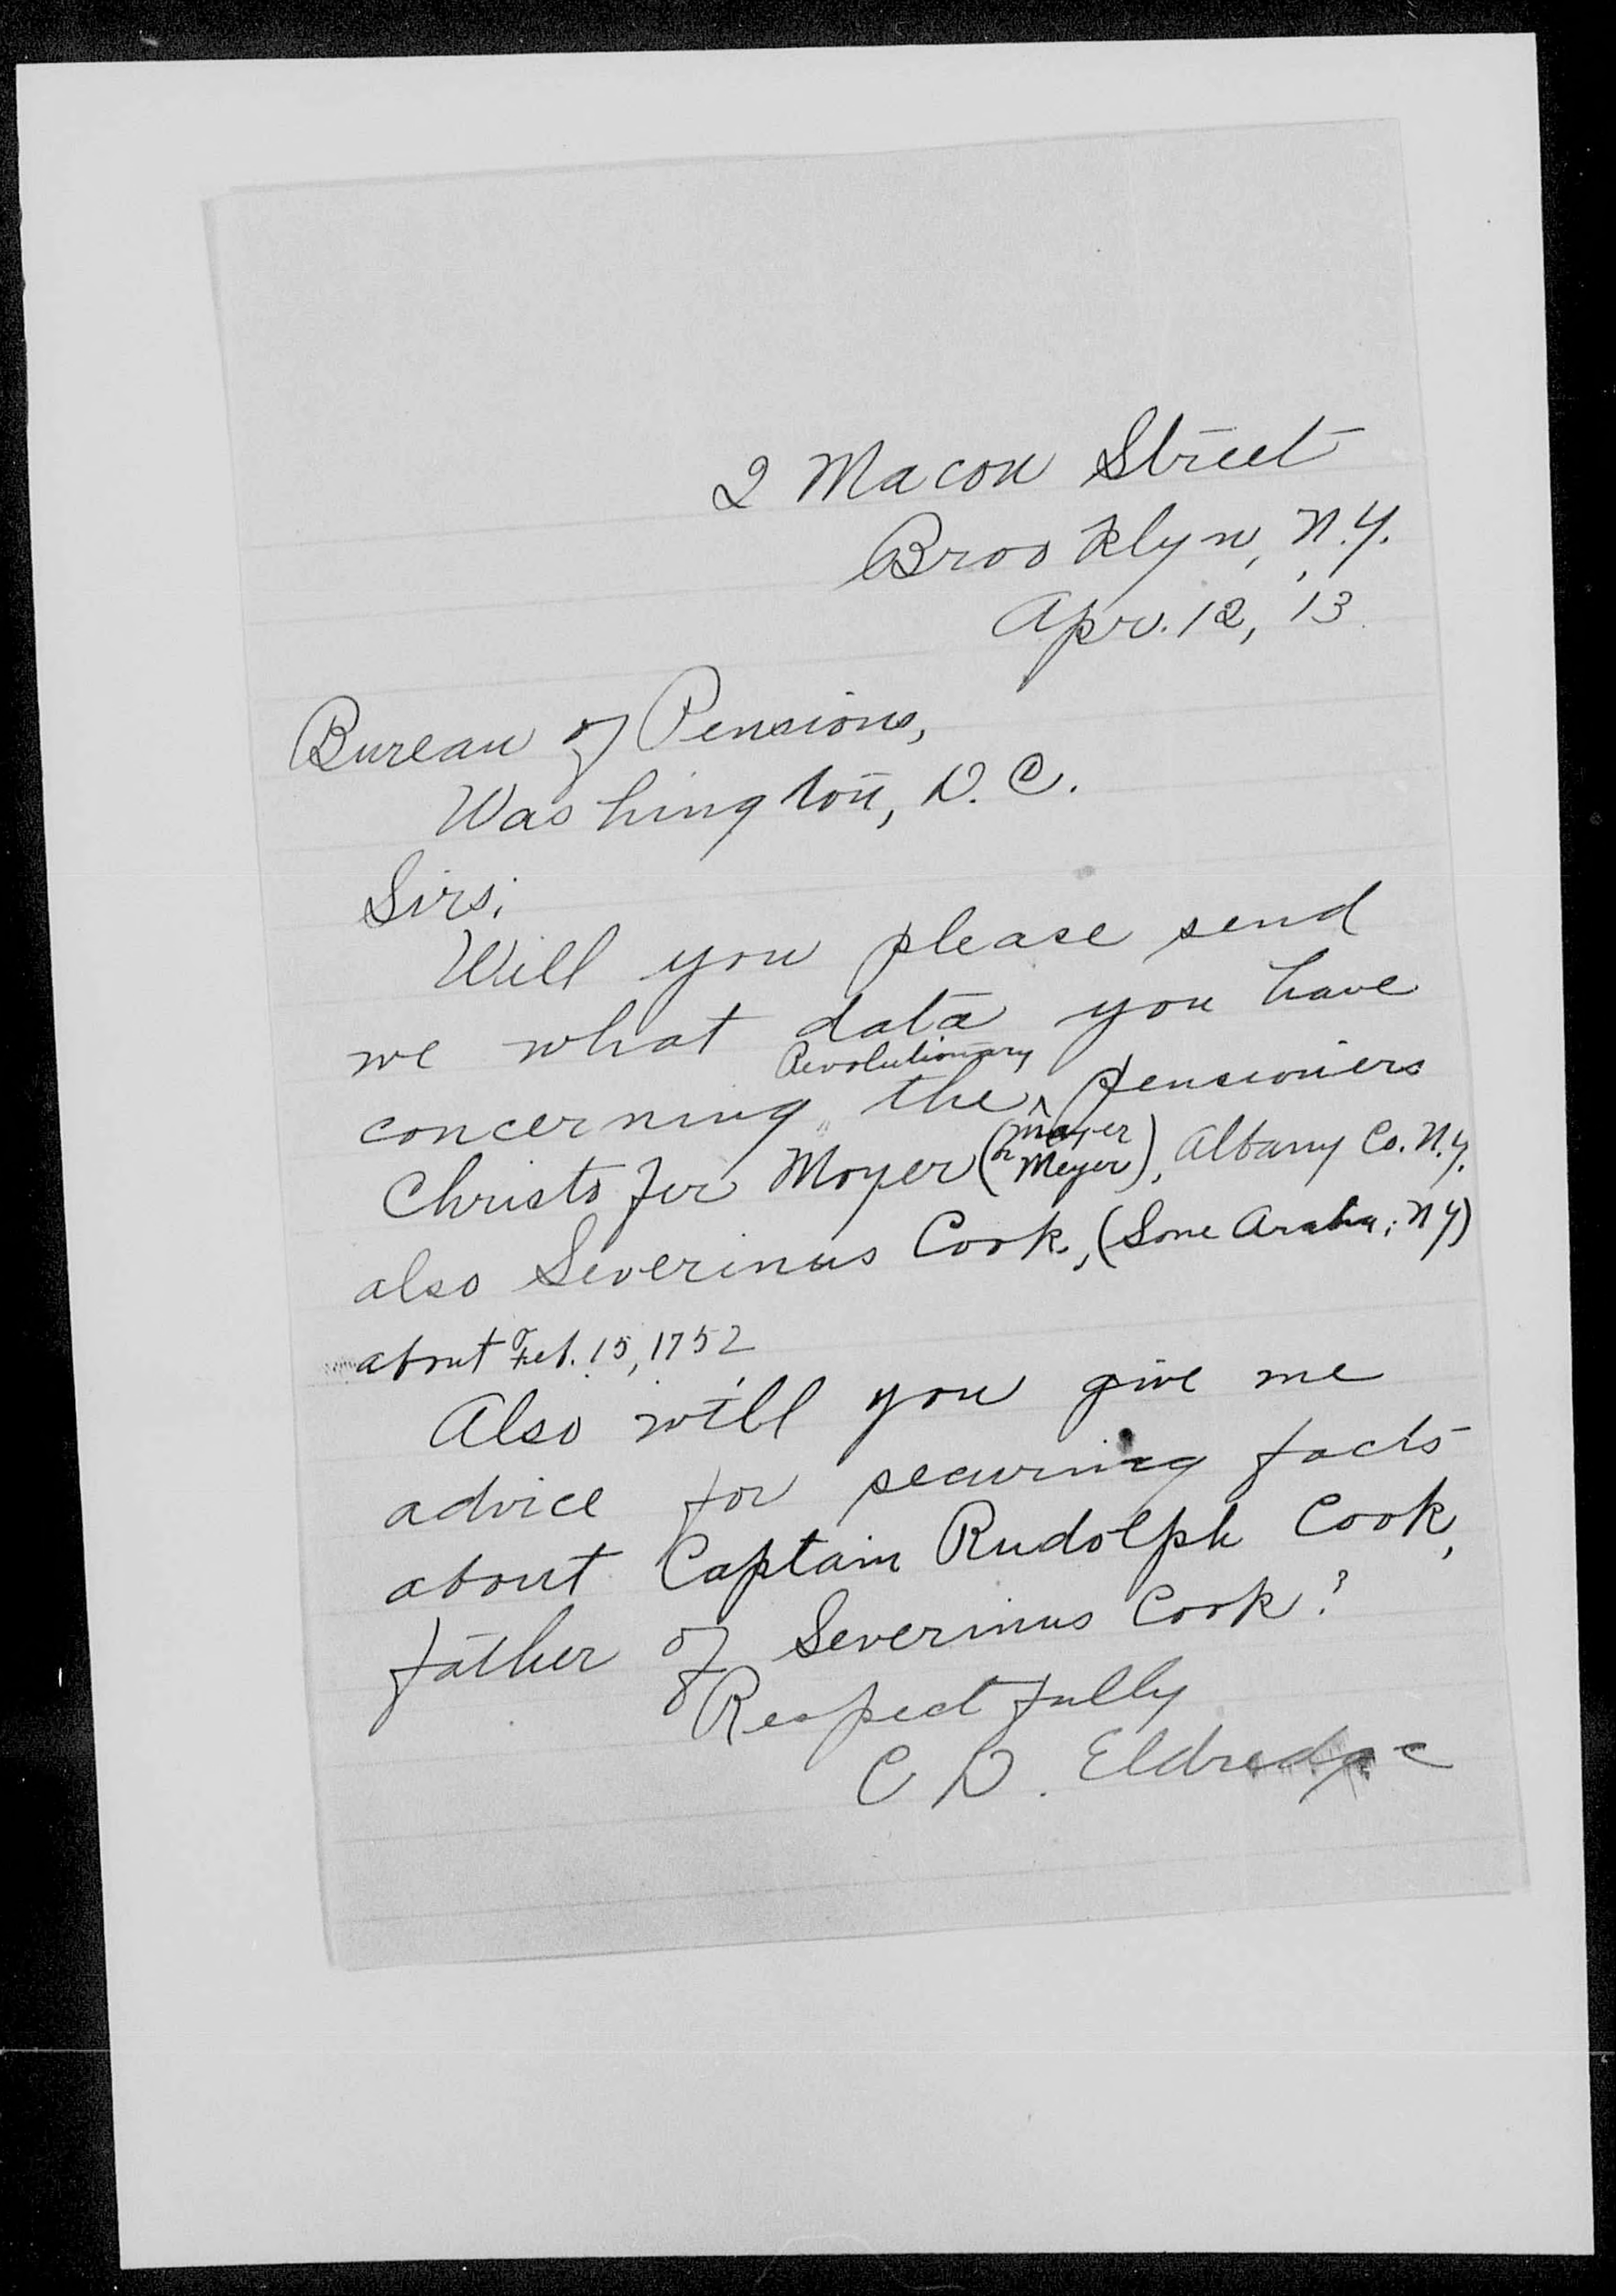2 Macon Street
Brooklyn N. Y.
Apr. 12, '13

Bureau of Pensions,
Washington, D.C.

Sirs;

Will you please send me what data you uahve concerning the Revolutionary pensioners Christs for Moyer (Mayer, Meyer), Albany Co. N.Y. also Severinus Cook, (Sone Arabia, NY) about Feb. 15, 1752
Also will you give me advice securing facts about
Captain Rudolph Cook, father of Severinus Cook?

Respectfully
C.D. Eldredge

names: Rudolph Cook, Christofer Moyer, Christofer Mayer, C D Eldredge, Severinus Cook, Severinus Cook, Christofer Meyer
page: 21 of 51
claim: survivor's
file: S. 12563, Severinus Cook, New York